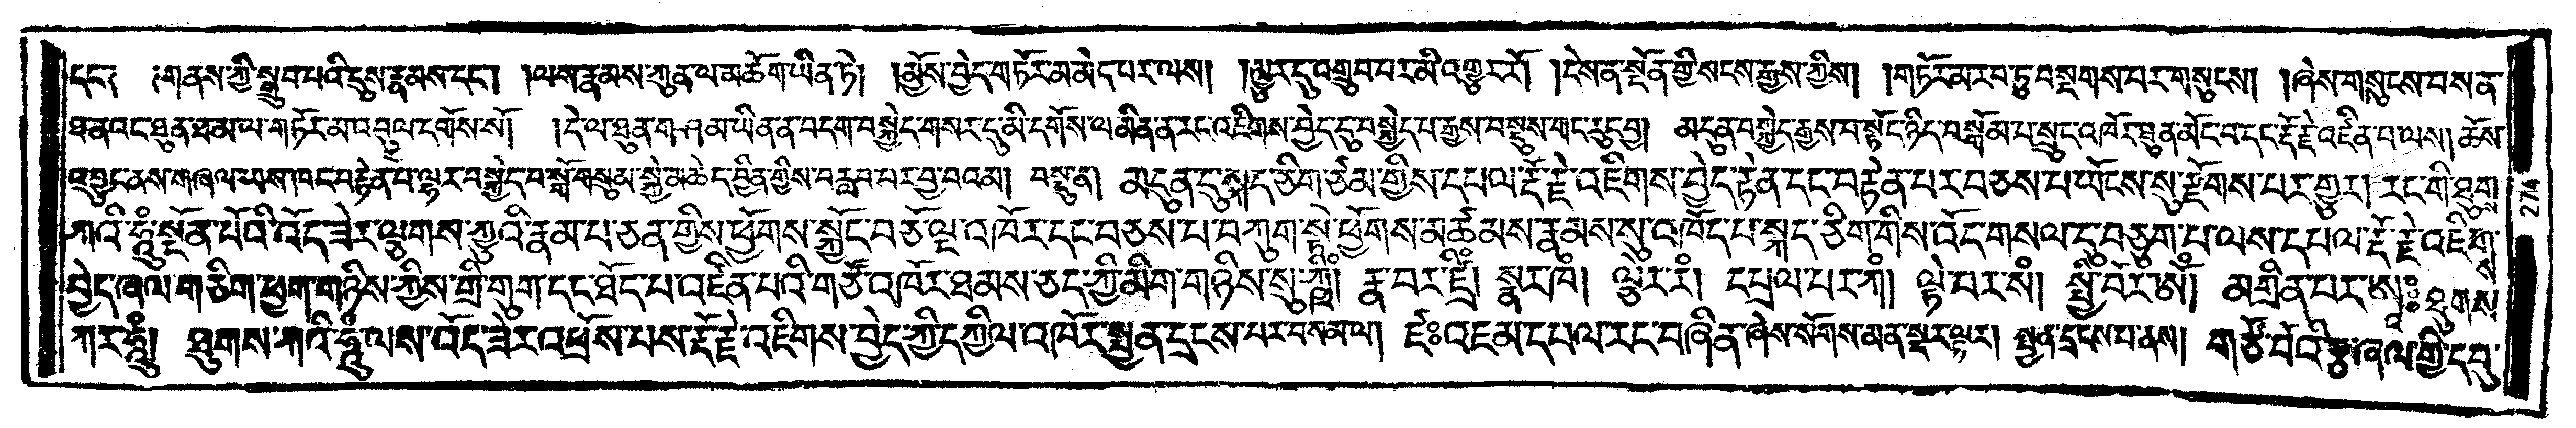དང༑ ༑གནས་ཀྱི་སྒྲུབ་པའི་དུས་རྣམས་དང་། །ལས་རྣམས་ཀུན་ལ་མཆོག་ཡིན་ཏེ། །མྱོས་བྱེད་གཏོར་མ་མེད་པར་ལས། །མྱུར་དུ་འགྲུབ་པར་མི་འགྱུར་རོ། །དེས་ན་སྔོན་གྱི་སངས་རྒྱས་ཀྱིས། །གཏོར་མ་རབ་ཏུ་བསྔགས་པར་གསུངས། །ཞེས་གསུངས་པས་ན་
ཐ་ནའང་ཐུན་ཐ་མལ་གཏོར་མ་འབུལ་དགོས་སོ། །དེ་ལ་ཐུན་གཤམ་ཡིན་ན་བདག་བསྐྱེད་གསར་དུ་མི་དགོས་ལ་མིན་ན་རང་འཇིགས་བྱེད་དུ་བསྐྱེད་པ་རྒྱས་བསྡུས་གང་རུང་བྱ། མདུན་བསྐྱེད་རྒྱས་པ་སྟོང་ཉིད་བསྒོམ་པ་སྲུང་འཁོར་ཐུན་མོང་བ་དང་རྡོ་རྗེ་འཛིན་པ་ལས། ཆོས་
འབྱུང་ནས་གཞལ་ཡས་ཁང་བརྟེན་པ་ལྷར་བསྐྱེད་བ་སྒོ་གསུམ་སྐྱེ་མཆེད་བྱིན་གྱིས་བརླབ་པར་བྱ་བའམ། བསྡུ་ན། མདུན་དུ་སྐད་ཅིག་ཙམ་གྱིས་དཔལ་རྡོ་རྗེ་འཇིགས་བྱེད་རྟེན་དང་བརྟེན་པར་བཅས་པ་ཡོངས་སུ་རྫོགས་པར་གྱུར། རང་གི་ཐུགས་
ཀའི་ཧཱུཾ་སྔོན་པོའི་འོད་ཟེར་ལྕགས་ཀྱུའི་རྣམ་པ་ཅན་གྱིས་ཕྱོགས་སྐྱོང་བཅོ་ལྔ་འཁོར་དང་བཅས་པ་བཀུག་སྟེ་ཕྱོགས་མཚམས་རྣམས་སུ་འཁོད་པ་སྐད་ཅིག་གིས་འོད་གསལ་དུ་བཅུག་པ་ལས་དཔལ་རྡོ་རྗེ་འཇིགས་
བྱེད་ཞལ་གཅིག་ཕྱག་གཉིས་ཀྱིས་གྲི་གུག་དང་ཐོད་པ་འཛིན་པའི་གཙོ་འཁོར་ཐམས་ཅད་ཀྱི་མིག་གཉིས་སུ་ཀྵིཾ། རྣ་བར་ཛྲིཾ། སྣར་ཁཾ། ལྕེར་རཾ། དཔྲལ་པར་ཀཾ། ལྟེ་བར་སཾ། སྤྱི་བོར་ཨོཾ། མགྲིན་པར་ཨཱཿཐུགས་
ཀར་ཧཱུཾ། ཐུགས་ཀའི་ཧཱུཾ་ལས་འོད་ཟེར་འཕྲོས་པས་རྡོ་རྗེ་འཇིགས་བྱེད་ཀྱི་དཀྱིལ་འཁོར་སྤྱན་དྲངས་པར་བསམ་ལ། ཛཿའཇམ་དཔལ་རང་བཞིན་ཞེས་སོགས་མན་སྔར་ལྟར། སྤྱན་དྲངས་པ་ནས། གཙོ་བོའི་རྩ་ཞལ་གྱི་དབུ་